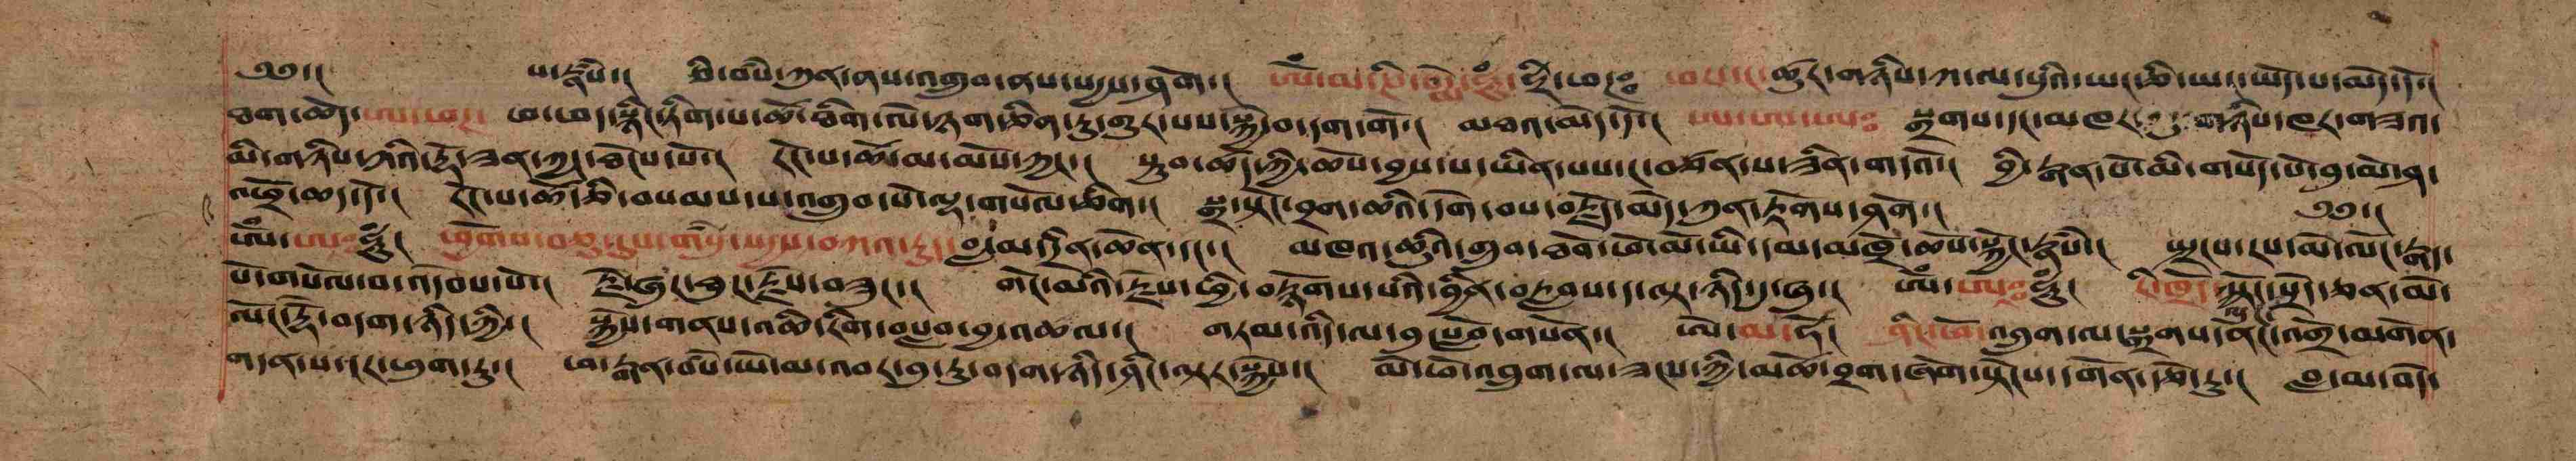༄༅། པ་རྣམས་། ཅི་བསམ་ཀུན་ནས་འགྲུབ་ནས་སངས་རྒྱས་ཤོག། ཨོྃ་མ་ཎི་པདྨེ་ཧཱུཾ་ཧྲི་ཕཌཿ ཕར་དང་ཚུར་གཉིས་ཀ་ལ་སུའི་ཡང་ཅི་ཡང་ཡོད་པ་མེད་དོ། 
ཐག་ཆོད་ཨ་ཕཌཿ ཕ་ཕད་སྙིང་རིག་པ་ཚེ་ཐིག་ལེ་ཉག་གཅིག་ཏུ་གྱུར་པས་སྐྱེ་བ་དག་གོ་། མཐའ་མེད་དོ་། ཨ་ཨ་ཨཿ སྒྲགས་དང་མཁར་འདུ་གཉིས་ཁར་གཟའ་
མི་གཉིས་ཀའི་རྡོ་ཟན་ཀྱང་ཐོངས་སོ། རིང་པ་ཚེ་མ་མོས་ཀྱང་། སྟུབ་ཚད་ཀྱི་ཆོས་བྱས་པ་ཡིན་པས་ང་བཙན་ས་ཟིན་གདའོ། བྱི་རྒན་པོ་གསོད་པོ་བུ་མོ་ཤ་
འཕྲོ་ཆད་དོ་། རེང་པ་ཚེ་ཅི་བསམས་པ་འགྲུབ་པོ་ལྷ་གསོལ་ཅིག། སྒྲ་སྟོང་བྲག་ཆའི་དགེ་བས་བརྗོད་མེད་ཀུན་རྟོགས་ཤོག།༄༅་། 
ཨོཾ་ཨཱ་ཧཱུཾ། ཕྱོགས་བཅུ་དུས་གསུམ་སངས་རྒྱས་བཀའ་རྒྱུད་བླ་མ་དྲིན་ཆེན་དང་། མཁའ་ཆུའི་གྲུབ་ཐོབ་ཕོ་མོ་ཡི་དམ་མཁའ་འགྲོ་ཆོས་སྐྱོང་རྣམས། སྤྲངས་ངས་མེ་ལོང་རྒད་
པོ་གསོལ་བ་འདེབས་སོ། རྗེ་ཞུང་ཐུགས་རྗེས་བཟུང་། གོང་མའི་རྗེས་ཕྱི་བརྙོགས་པའི་བྱིན་བརླབས་ད་ལྟ་ཉིད་དུ་ཞུ། ཨོཾ་ཨཱཿ ཧཱུཾ། རི་ཁྲོད་ལུང་སྟོང་སྲོད་ཅན་མེ་
ལོང་རྡོ་རྗེ་བདག་ཉིད་ཀྱི། སྐྱེས་གནས་འཆི་རིག་བསླབ་བྱ་འཚལ། གཏམ་འདི་ལ་བུ་སློབ་གསོན། ཨེ་མ་ཧོ། ཤིང་ཕོ་འབྲུག་ལ་སྒྲགས་ནང་འགྲོ་མགོན་
གདན་ས་ངར་ཕུག་ཏུ། ཕ་རྒན་བསམ་ཡོ་མ་འབར་བུ་རུ་བདག་ཉིད་ཤིང་ལྟར་སྐྱེས། མེ་ཕོ་འབྲུག་ལ་ཟངས་ཀྱི་མཚེ་བྲག་ཞོག་སྟོངས་དགོན་རྩེ་རུ། བླ་མ་བདེ་